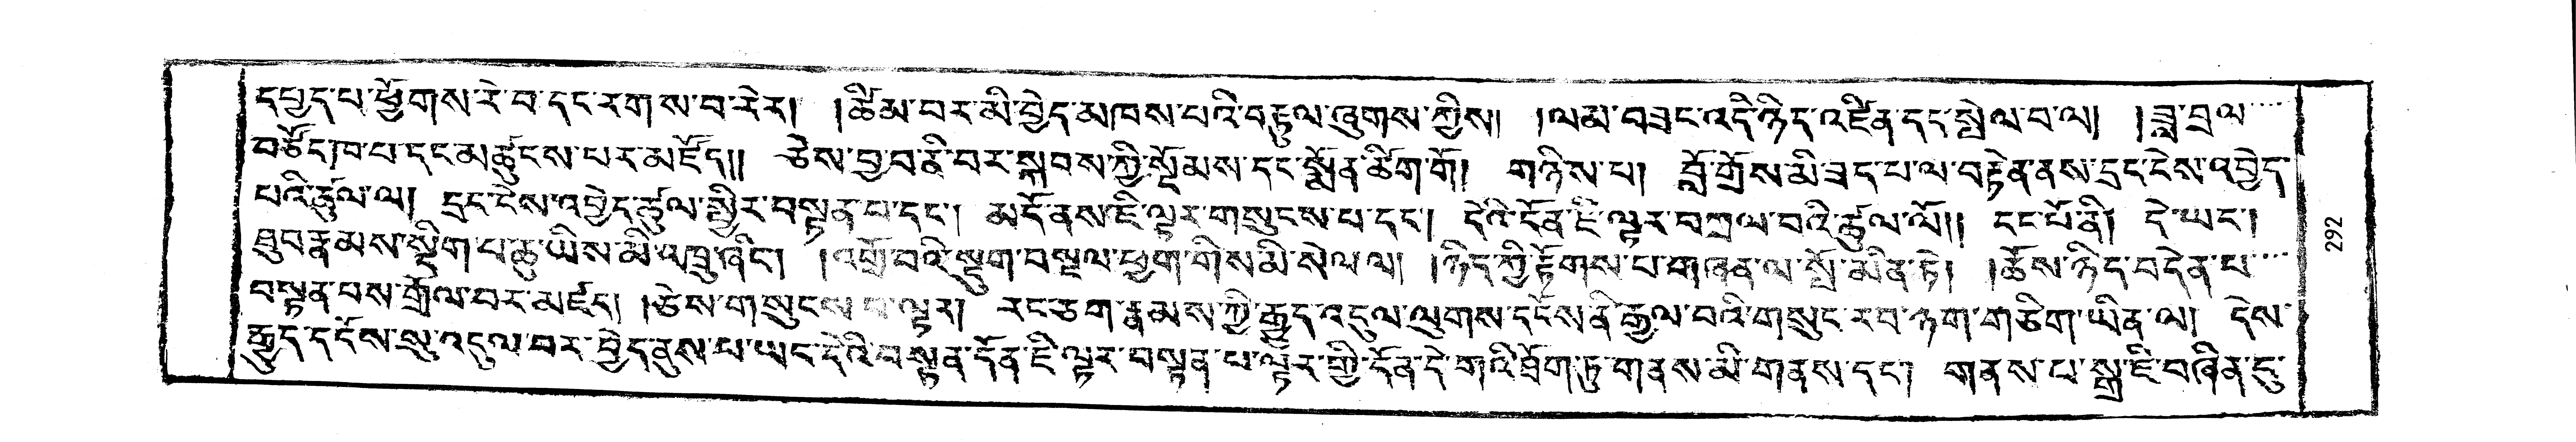དཔྱད་པ་ཕྱོགས་རེ་བ་དང་རགས་པ་རེར། །ཚིམ་པར་མི་བྱེད་མཁས་པའི་བརྟུལ་ཞུགས་ཀྱིས། །ལམ་བཟང་འདི་ཉིད་འཛིན་དང་སྤེལ་བ་ལ། །ཟླ་བྲལ་
བཙོང་ཁ་པ་དང་མཚུངས་པར་མཛོད། །ཅེས་བྱ་བ་ནི་བར་སྐབས་ཀྱི་སྡོམས་དང་སྨོན་ཚིག་གོ །གཉིས་པ། བློ་གྲོས་མི་ཟད་པ་ལ་བརྟེན་ནས་དྲང་ངེས་འབྱེད་
པའི་ཚུལ་ལ། དྲང་ངེས་འབྱེད་ཚུལ་སྤྱིར་བསྟན་པ་དང་། མདོ་ནས་ཇི་ལྟར་གསུངས་པ་དང་། དེའི་དོན་ཇི་ལྟར་བཀྲལ་བའི་ཚུལ་ལོ། །དང་པོ་ནི། དེ་ཡང་།
ཐུབ་རྣམས་སྡིག་པ་ཆུ་ཡིས་མི་འཁྲུ་ཞིང་། །འགྲོ་བའི་སྡུག་བསྔལ་ཕྱག་གིས་མི་སེལ་ལ། །ཉིད་ཀྱི་རྟོགས་པ་གཞན་ལ་སྤོ་མིན་ཏེ། །ཆོས་ཉིད་བདེན་པ་
བསྟན་པས་གྲོལ་བར་མཛད། །ཅེས་གསུངས་པ་ལྟར། རང་ཅག་རྣམས་ཀྱི་རྒྱུད་འདུལ་ལུགས་དངོས་ནི་རྒྱལ་བའི་གསུང་རབ་ཉག་གཅིག་ཡིན་ལ། དེས་
རྒྱུད་དངོས་སུ་འདུལ་བར་བྱེད་ནུས་པ་ཡང་དེའི་བསྟན་དོན་ཇི་ལྟར་བསྟན་པ་ལྟར་གྱི་དོན་དེ་གའི་ཐོག་ཏུ་གནས་མི་གནས་དང་། གནས་པ་སྒྲ་ཇི་བཞིན་དུ་